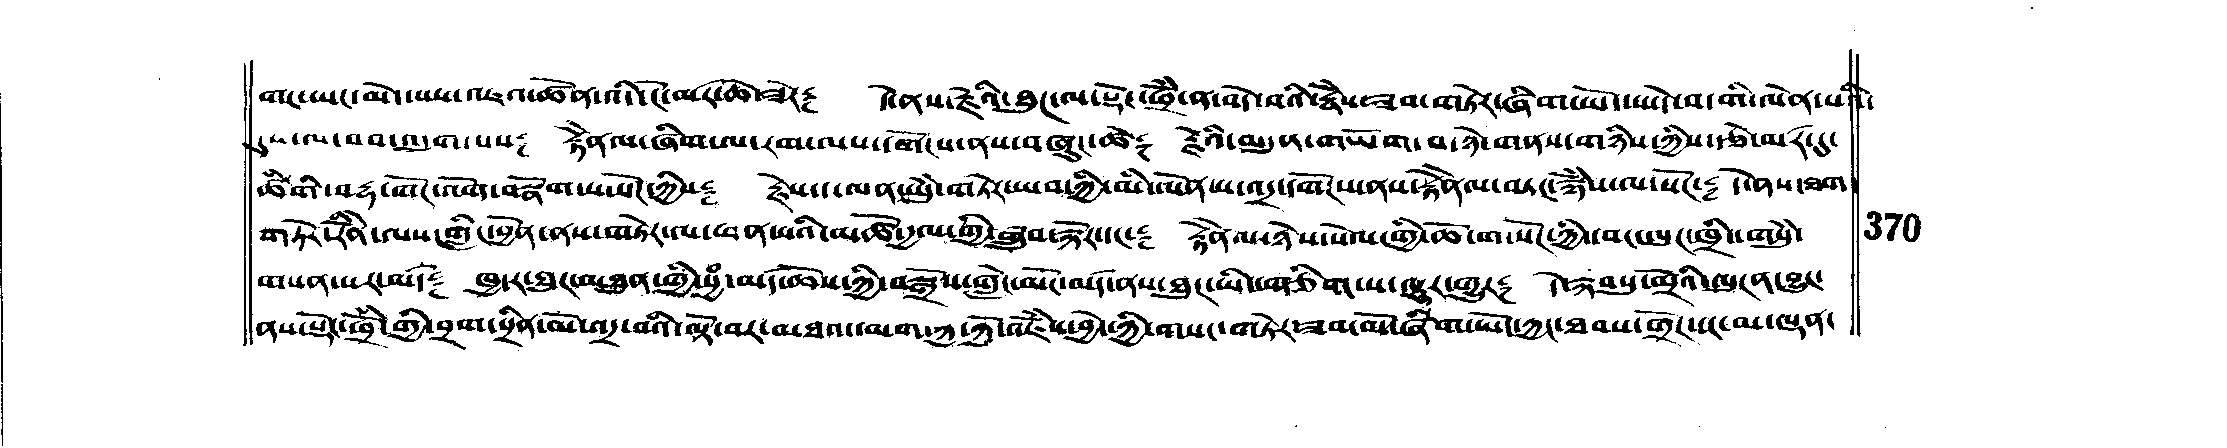གང་ཡང་མེད་པས་འཇའ་ཚོན་འདི་ངོ་མཚར་ཆེ་ཟེར། དེ་ནས་རྗེའི་ཐུགས་ལ་སྡོང་ཕྲོམ་ན་བདེ་བའི་རྡོ་རྗེས་ཟབ་གཏེར་ཞིག་ཡོད་པ་དེ་བདག་གི་ལེན་པའི་
དུས་ལ་བབ་འདུག་པས། རྟེན་འབྲེལ་ཞིག་ལ་རག་ལས་དགོངས་ནས་བཞུགས་ཚེ། རྗེའི་མདུན་གཡོག་བ་ཉེ་གནས་གཉིས་ཀྱིས་རྩེད་མཚར་དུ་
ཚིག་གི་བརྡ་གོང་འོག་བསྣོལ་པ་སོགས་ཀྱིས། རྗེས་ད་ལན་ཡུམ་གཏེར་ཡབ་ཀྱི་མི་ལེན་པ་འདྲ་དགོངས་ནས་རྟེན་འབྲེལ་བཏང་སྙོམས་ལ་སོང་། དེ་ནས་ཐག་
གཏེར་རིན་པོ་ཆེ་ལས་གླིང་བྱོན་ནས་གཏེར་ལ་ཕན་པའི་མཚོ་རྒྱལ་གྱི་སྒྲུབ་སྐོར་དང་། རྟེན་འབྲེལ་ཉེས་སེལ་གྱི་ཆོ་ག་སོགས་ཀྱིས་ལུང་ཁྲིད་གསུམ་
གསན་པར་མཛད། ཁྱད་པར་ཐུགས་མཐུན་གྱི་གསུང་མཛད་ཆོས་ཀྱི་བགྲོ་གླེང་མང་པོ་མཛད་ནས་ཐུགས་ཡིད་གཅིག་པ་ལྟ་བུར་གྱུར། དེ་སྐབས་སུ་མཁའ་འགྲོའི་ལུང་བསྟན་བྱུང་
ནས་སྡོང་ཕྲོམ་གྱི་བྲག་སྲིན་མོ་འདྲ་བའི་ལྟོ་བར་མཐའ་དམག་ཀླ་ཀློ་འཇོམས་བྱེད་ཀྱི་གསང་གཏེར་ཟབ་མོ་ཞིག་ཡོད་ཀྱང་ཐབས་གྲོགས་དང་མ་ལྡན་